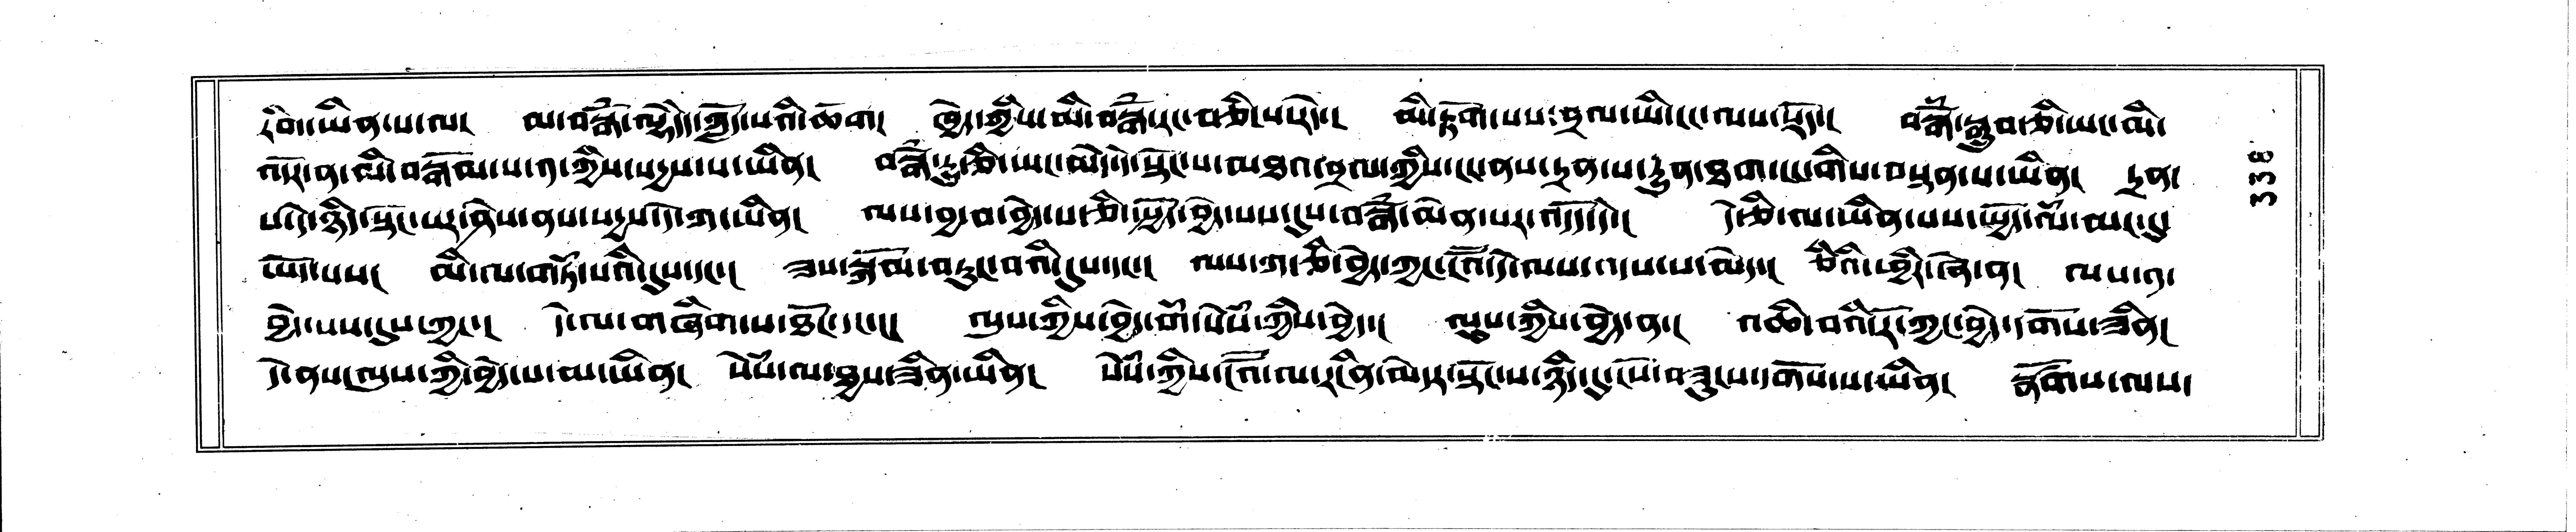རིག་རང་ཆས་ཡིན་པ་ལ། མི་སྒོམ་ཀློད་དེ་ལྷོད་པས་ཆོག ཆེད་ཀྱིས་མི་སྒོམ་རང་བཅིང་རེད་པ་ཡིན། མི་རྟོག་བསམ་བྲལ་གྱིས་ངང་དུ་ཞོག་དང་། བསྒོམ་ཅི་ཡང་མི་
གདའ། མདོར་ན་མི་སྒོམ་པ་ཅིག་གིས་སངས་རྒྱས་པ་ཡིན། སྒོམ་རྒྱུ་ཅི་ཡང་མེད་དེ་སྟོང་པ་མཐའ་བྲལ་གྱིས་ངང་ལ་དྲན་པའི་རྒྱུན་ཐག་ངང་གིས་བསྟན་པ་ཡིན། དྲན་
པ་དེ་ཉིད་སྟོང་པར་ཤེས་ན་སངས་རྒྱས་དེ་ཀ་ཡིན། ལས་བྱ་བ་བྱེད་པ་ཅི་སྤྱོད་པའི་དུས་ཀྱང་། སྒོམ་རང་ཆས་སུ་ཡོད་པ་ཡིན། རྣལ་འབྱོར་པ་བསྒྲུབ་པ་པོ་ཕལ་གྱིས། ཅིག་པུར་འདུག་པའི་དུས་ལ་སྒོམ་ཡིན་ལ། སྣ་ཚོགས་ལས་སྤྱོད་བྱེད་པའི་དུས་ལ་བྷོམ་(སྒོམ)་མེད་པར་འདོད་སྟེ། དེ་ཅི་ལ་ཡིན། ལས་སྤྱོད་ལ་ཡང་མང་དུ་
ད་པས། མི་ལ་གཏམ་པའི་དུས་དང། ཟས་སྐོམ་བཏང་པའི་དུས་དང་། ལས་ཀ་ཐམས་ཅད་ཅི་བྱེད་ཀྱང་། ངོའོ་དེ་ལས་འདས་པ་མེད། ཅི་ཡི་ཕྱིར་ཞེ་ན། ལས་ཀ་
ཅི་ཅིག་བྱེད་པའི་དུས་ཀྱང། དེ་ལ་གཞིག་པ་ཐོང་དང་། ལུས་ཀྱིས་བྱེད་དམ་སེམས་ཀྱིས་བྱེད། ལུས་ཀྱིས་བྱེད་ན་ཤི་བའི་རོའི་༼རོས༽ཀྱང་བྱེད་དགོས་ཟེར།
 དེ་ནས་ལུས་ཀྱིས་བྱེད་པ་མ་ཡིན། སེམས་ལ་ཐུགས་ཟིན་ཡིན། སེམས་ཀྱིས་ངོའོ་ལ་རང་བཞིན་མེད་པར་སྟོང་པ་ཉིད་དུ་ངོས་བཟུང་དགོས་པ་ཡིན་ནོ། སྣ་ཚོགས་ལས་